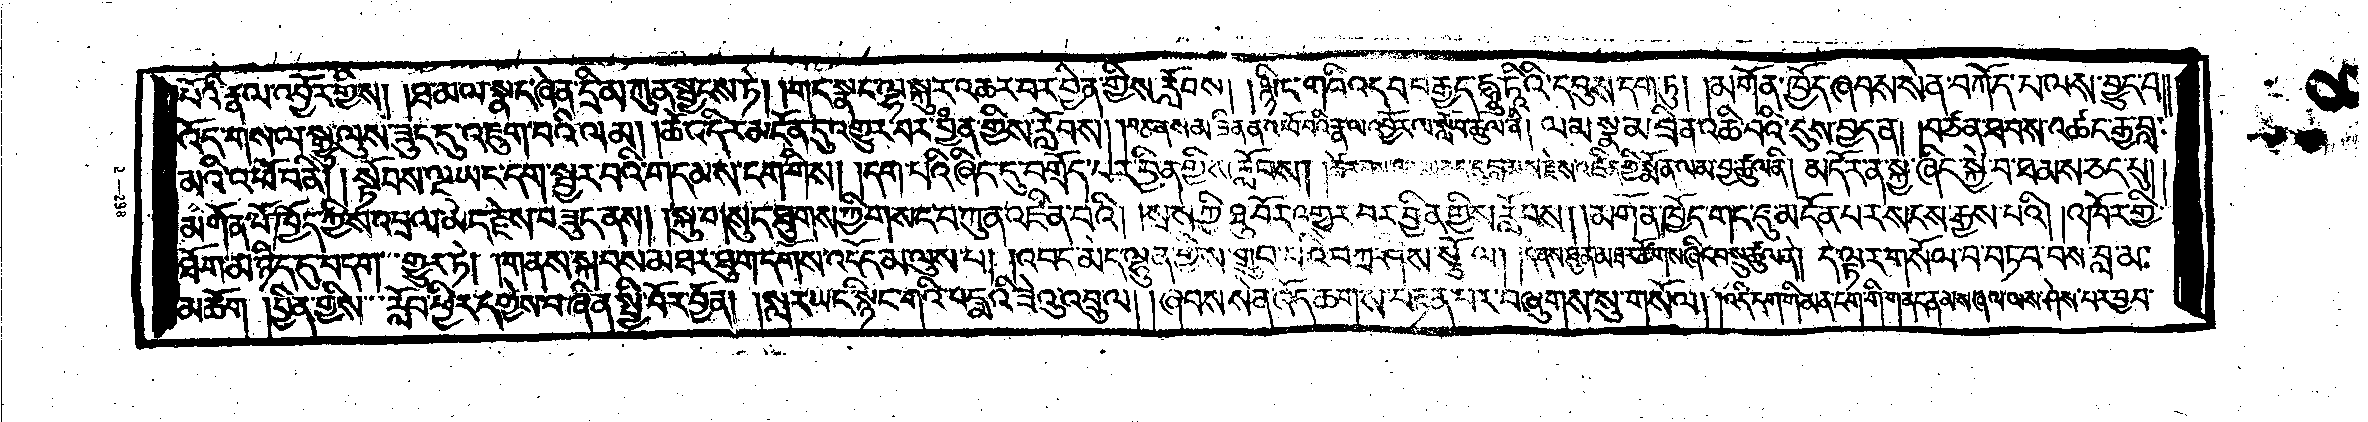པོའི་རྣལ་འབྱོར་གྱིས། །ཐ་མལ་སྣད་ཞེན་དྲི་མ་ཀུན་སྦྱངས་ཏེ། །གང་སྣང་ལྷ་སྐུར་འཆར་བར་བྱིན་གྱིས་རློབས། །སྙིང་གའི་འདབ་བརྒྱད་དྷཱུ་ཏཱིཨཱི་དབུས་དག་ཏུ། །མགོན་ཁྱོད་ཞབས་སེན་བཀོད་པ་ལས་བྱུང་བ།།
འོད་གསལ་སྒྱུ་ལུས་ཟུང་དུ་འཇུག་པའི་ལམ། །ཚེ་འདིར་མངོན་དུ་འགྱུར་བར་བྱིན་གྱིས་རློབས། །བཅས་ནས་མ་ཟིན་ན་འཕོ་བའི་རྣལ་ལ་སློབ་ཚུལ་ནི། ལམ་སྣ་མ་ཟིན་འཆི་བའི་དུས་བྱད་ན། །བཙན་ཐབས་འཚང་རྒྱ་བླ་
མའི་འཕོ་བ་ནི། །སྟོབས་ལྔ་ཡང་དག་སྦྱར་བའི་གདམས་ངག་གིས། །དག་པའི་ཞིང་དུ་བགྲོད་པར་བྱིན་གྱིས་རློབས། །ཚེ་རབས་ཐམས་ཅད་དུ་བླ་མས་རྡྗེས་འཛིན་གྱི་སྨོན་ལམ་བྱ་ཚུལ་ནི། མདོ་ན་སྐྱ་ཟིང་སྐྱེ་བ་ཐམས་ཅད་པུ་
མགོན་པོ་ཁྱོད་ཀྱིས་འབྲལ་མེད་རྗེས་བཟུང་ནས། །སྐུ་གསུང་ཐུགས་ཀྱི་གསང་བ་ཀུན་འཛིན་པའི། །སྲས་ཀྱི་ཐུ་བོར་འགྱུར་བར་བྱིན་གྱིས་རློབས། མགོར་ཁྱོད་གང་དུ་མངོན་པར་སངས་རྒྱས་པའི། །འཁོར་གྱི་
ཐོག་མ་ཉིད་དུ་བདག་གྱུར་ཏེ། །གནས་སྐབས་མཐར་ཐུག་དགོས་འདོད་མ་ལུས་པ། །འབང་མེད་ལྷུན་གྱིས་གྲུབ་པའི་བཀྲ་ཤིས་སྩོལ། །དེ་ནས་ཐུན་མཐར་ཚོགས་ཞིང་བསྲུ་ཚུལ་ནི། །དེ་ལྟར་གསོལ་བ་བཏབ་པས་བླ་མ་
མཆོག །བྱིན་གྱིས་རློབ་ཕྱིར་དགྱེས་བཞིན་སྤྱི་བོར་བྱོན། །སླར་ཡང་སྙིང་གའི་པདམའི་ཟེའུ་འབྲུ་ལ། །ཞབས་སེན་འོད་ཆགས་བརྟན་པར་བཞུགས་སུ་གསོལ། །འདི་དག་གི་མན་ངག་གི་གནང་ནམས་ཞལ་ལས་ཤེས་པར་བྱ་བ་